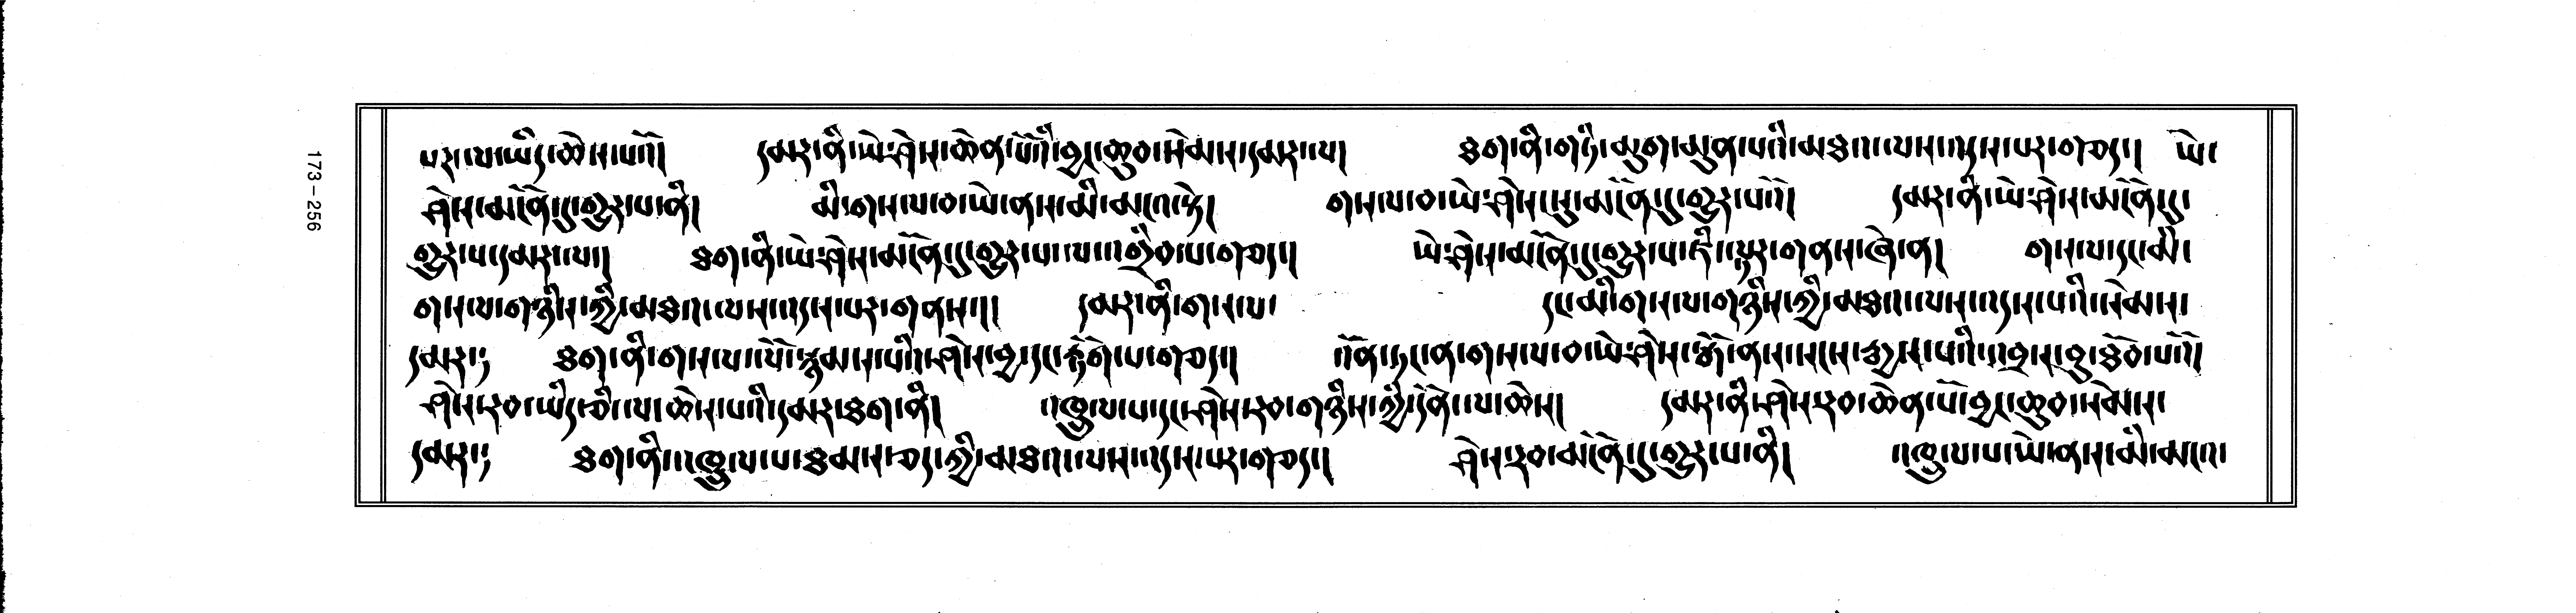པར་ལ་ཡིད་ཆེས་པའོ། །དམར་ནི་ཡེ་ཤེས་ཆེན་པོའི་བྱང་ཆུབ་སེམས་དམར་ལ། ཐག་ནི་གཏི་མུག་མུན་པའི་མཐའ་ལས་འདས་པར་གཅད། ཡེ་
ཤེས་་མངོན་དུ་གྱུར་པ་ན། མི་གལས་བཡེ་ནས་མི་མངའ་སྟེ། གསལ་བ་དང་ཡེ་ཤེས་མངོན་དུ་གྱུར་པའོ། །དམར་ནི་ཡེ་ཤེས་མངོན་དུ་
གྱུར་པ་དམར་ལ། ཐག་ནི་ཡེ་ཤེ་མངོན་དུ་གྱུས་པ་ལས་གྲིབ་པ་གཅད། ཡེ་ཤེས་མངོན་དུ་གྱུར་པ་ཇི་ལྟར་གནས་ཞེ་ན། གསལ་དང་མི་
གསལ་གཉིས་ཀྱི་མཐའ་ལས་འདས་པར་གནས། དམར་ནི་གསལ་དང་མི་གསལ་གཉིས་ཀྱི་མཐའ་ལས་འདས་པའི་སེམས་
དམར། ཐག་ནི་གསལ་ལོ་སྙམ་པའི་ཤེས་བྱ་དང་རྟོག་པ་གཅད། འོན་ཏང་ན་གསལ་བ་ཡེ་ཤེས་ཀྱི་སྒོ་ནས་སངས་རྒྱས་པའི་འབྲས་བུ་ཐོབ་པའོ། །
ཤེས་རབ་ཡིད་ཅི་ལ་ཆེས་པའི་དམར་ཐག་ནི། འཁྲུལ་པ་དང་ཤེས་རབ་གཉིས་ཀྱི་དོན་ལ་ཆེས། དམར་ནི་ཤེས་རབ་ཆེན་པོ་བྱང་ཆུབ་སེམས་
དམར། ཐག་ནི་འཁྲུལ་པ་ཐམས་ཅད་ཀྱི་མཐའ་ལས་འདས་པར་གཅད། ཤེས་རབ་མངོན་དུ་གྱུར་པ་ནི། འཁྲུལ་པ་ཡེ་ནས་མི་མངའ་